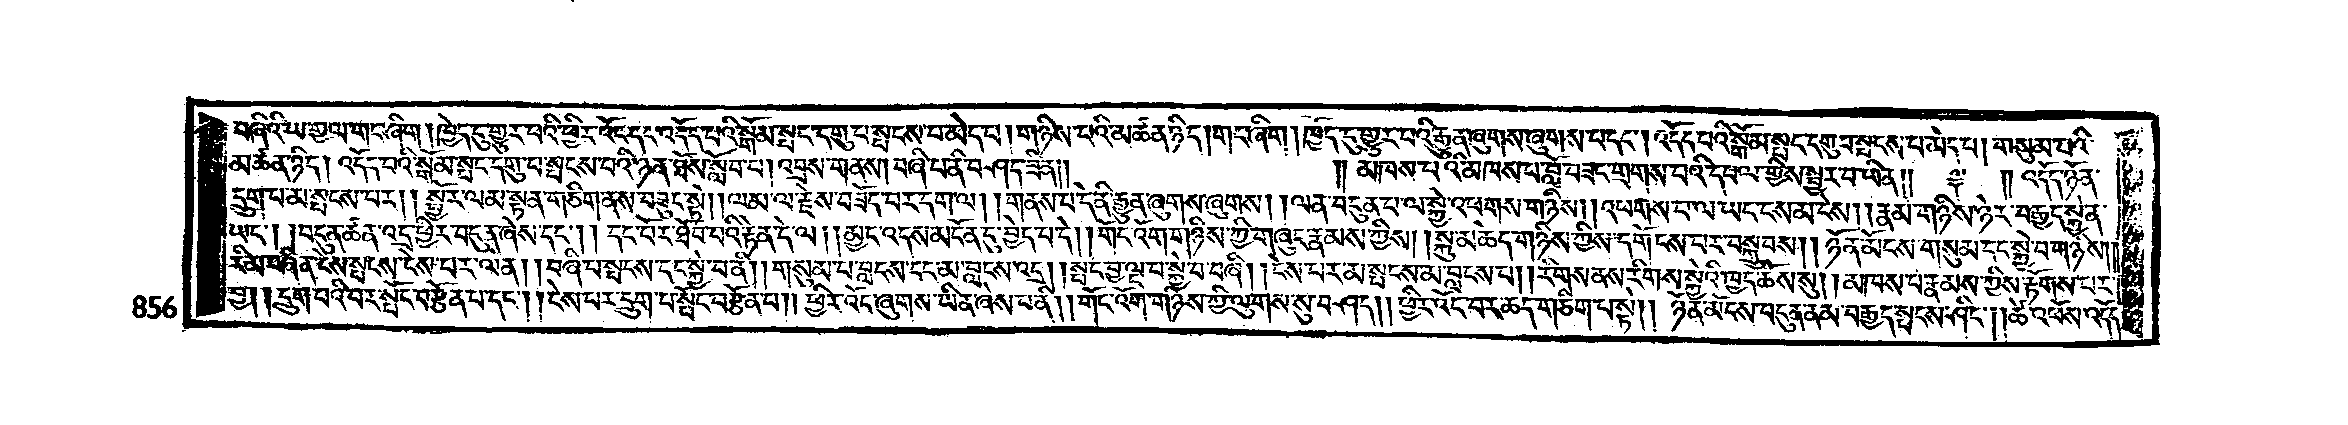བཞིའི་ཡ་གྱལ་གང་ཞིག །ཁྱོད་དུ་གྱུར་པའི་ཕྱིར་འོང་དང་འདོད་པའི་སྒོམ་སྤང་དགུ་པ་སྤངས་པ་མེད་པ། གཉིས་པའི་མཚན་ཉིད། གང་ཞིག །ཁྱོད་དུ་གྱུར་པའི་རྒྱུན་ཞུགས་ཞུགས་པ་དང་། འདོད་པའི་སྒོམ་སྤང་དགུ་པ་སྤངས་པ་མེད་པ། གསུམ་པའི་
མཚན་ཉིད། འདོད་པའི་སྒོམ་སྤང་དགུ་པ་སྤངས་པའི་ཉན་ཐོས་སློབ་པ། འབྲས་གནས། བཞི་པ་ནི་བཤད་ཟིན།། །།མཁས་པའི་མཁས་པ་བློ་བཟང་གྲགས་པའི་དཔལ་གྱིས་སྦྱར་བ་ཡིན།། ༈ །།འདོད་ཉོན་
དྲུག་པ་མ་སྤངས་པར་པའི། །སྦྱོར་ལམ་སྟན་གཅིག་ནས་བཟུང་སྟེ། །ལམ་ལ་རྗེས་བཟོད་བར་དག་ལ། །གནས་པ་དེ་ནི་རྒྱུན་ཞུགས་ཞུགས། །ལན་བདུན་པ་ལ་སྐྱེ་འཕགས་གཉིས། །འཕགས་པ་ལ་ཡང་ངེས་མ་ངེས། །རྣམ་གཉིས་ཉེར་བརྒྱད་སྐྱེ་ན་
ཡང༑ ༑བདུན་ཚན་འདྲ་ཕྱིར་བདུན་ཞེས་དང་། །དང་པོར་ཐོབ་པའི་རྟེན་དེ་ལ། །མྱང་འདས་མངོན་དུ་བྱེད་པ་དེ། །གོང་འོག་གཉིས་ཀྱི་གཞུང་རྣམས་ཀྱིས། །སྐུ་མཆེད་གཉིས་ཀྱིས་དགོངས་པར་བསྒྲུབས། །ཉོན་མོངས་གསུམ་དང་སྐྱེ་བ་གཉིས། །
རིམ་བཞིན་ངེས་སྤངས་ངེས་པར་ལེན། །བཞི་པ་སྤངས་དང་སྐྱེ་བ་ནི། །གསུམ་པ་བླངས་དང་མ་བླངས་འདྲ། །སྤང་བྱ་ལྔ་པ་སྐྱེ་བ་བཞི། །ངེས་པར་མ་སྤངས་མ་བླངས་པ། །རིགས་ནས་རིགས་སྐྱེའི་ཁྱད་ཆོས་སུ། །མཁས་པ་རྣམས་ཀྱིས་རྟོགས་པར་
བྱ༑ ༑དྲུག་པའི་བར་སྤོང་བརྩོན་པ་དང་། །ངེས་པར་དྲུག་པ་སྤོང་བརྩོན་པ། །ཕྱིར་འོང་ཞུགས་ཡིན་ཞེས་པ་ནི། །གོང་འོག་གཉིས་ཀྱི་ལུགས་སུ་བཤད། །ཕྱིར་འོང་བར་ཆད་གཅིག་པ་སྟེ། །ཉོན་མོངས་བདུན་ནམ་བརྒྱད་སྤངས་ཤིང་། །ཚེ་འཕོས་འདོད་